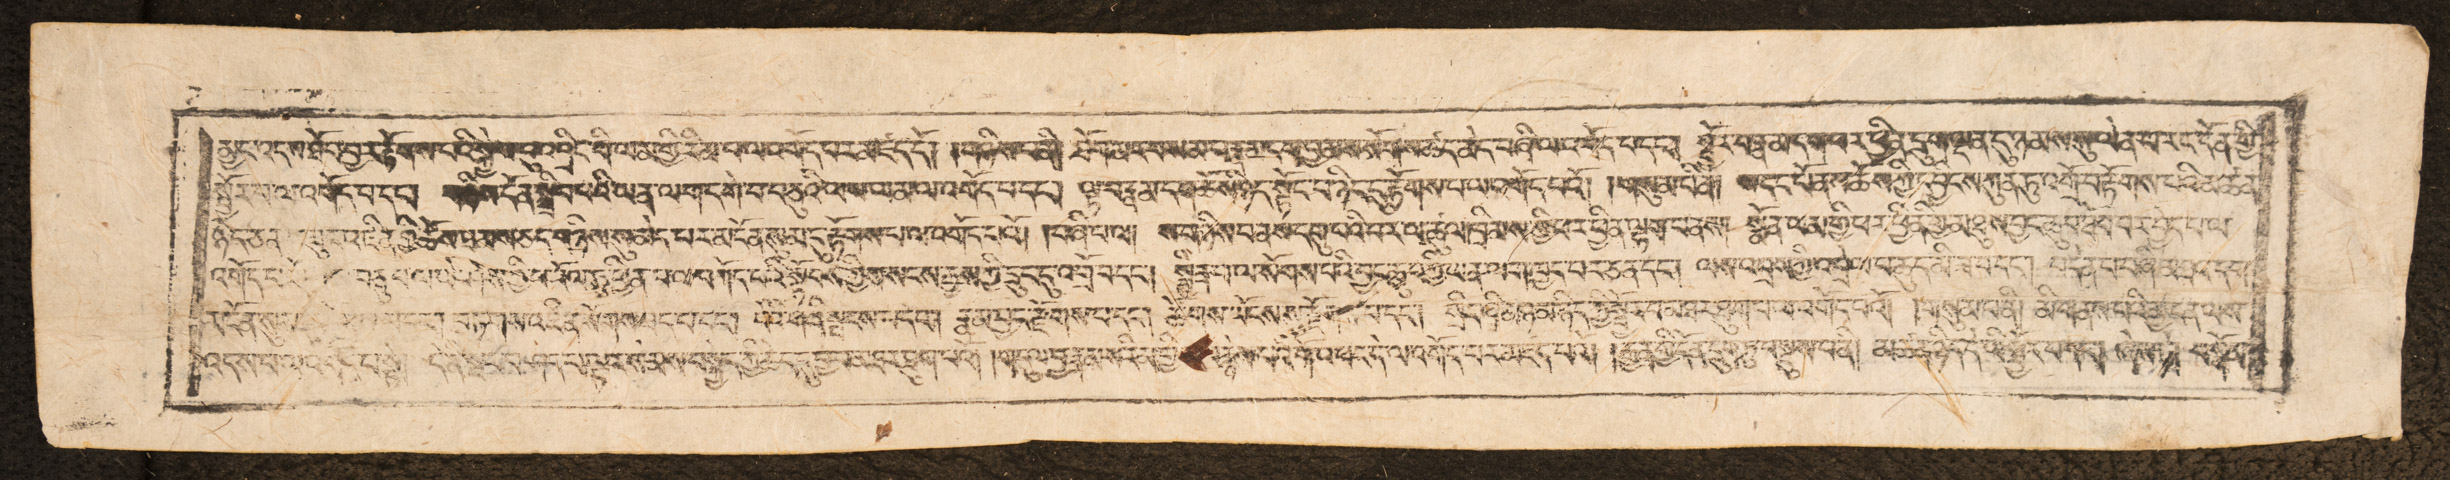མྱང་འདས་ཐོབ་བྱར་རྟོགས་པའི་སྐྱེས་བུ་འབྲིང་གི་ལམ་གྱི་རིམ་པ་ལ་འགོད་པར་མཛད་དོ། །གཉིས་པ་ནི། ཐོག་མར་བསམ་པ་རྣམ་དག་བྱམས་སོགས་ཚད་མེད་བཞི་ལ་འགོད་པ་དང་། སྦྱོར་བ་རྣམ་དག་ཕར་ཕྱིན་དྲུག་ལྡན་དུ་ཉམས་སུ་ལེན་པ་རང་དོན་གྱི་
སྦྱོར་བ་ལ་འགོད་པ་དང་། གཉིས་དོན་སྒྲིབ་པའི་ཡན་ལག་དགེ་བ་བཅུའི་ལས་ལམ་ལ་འགོད་པ་དང་། ལྟ་བ་རྣམ་དག་ཆོས་ཉིད་སྟོང་པ་ཉིད་དུ་རྟོགས་པ་ལ་འགོད་པའོ། །གསུམ་པ་ནི། ས་དང་པོ་ནས་ཆོས་ཀྱི་དབྱིངས་ཀུན་ཏུ་འགྲོ་བ་རྟོགས་པའི་མཚན་
ཉིད་ཅན་གཟུང་འཛིན་གྱི་ཆོས་ཐམས་ཅད་གཉིས་སུ་མེད་པར་མངོན་སུམ་དུ་རྟོགས་པ་ལ་འགོད་པའོ། །བཞི་པ་ལ། ས་གཉིས་པ་ནས་དགུ་པའི་བར་ལ་ཚུལ་ཁྲིམས་ཀྱི་ཕར་ཕྱིན་ལྷག་པ་ནས། སྨོན་ལམ་གྱི་ཕར་ཕྱིན་གྱི་མཐུས་བྱང་ཆུབ་ཐོབ་པར་བྱེད་པ་ལ་
འགོད་པའོ། །ས་བཅུ་པ་ལ་ཡེ་ཤེས་ཀྱི་ཕ་རོལ་ཏུ་ཕྱིན་པ་ལ་བཀོད་པའི་སྟོབས་ཀྱིས་སངས་རྒྱས་ཀྱི་དྲུང་དུ་འགྲོ་བ་དང་། སྦྱིན་པ་ལ་སོགས་པའི་བྱང་ཆུབ་ཀྱི་ཡན་ལག་ཁྱད་པར་ཅན་དང་། ལས་འབྲས་ཀྱི་འབྲེལ་པ་ཆུད་མི་ཟ་བ་དང་། བདེན་པ་བཞི་མཐའ་དག་
མངོན་སུམ་དུ་རྟོགས་པ་དང་། བཏགས་འཛིན་སོགས་ཟད་པ་དང་། དེའི་གཞི་སྤངས་པ་དང་། རྣམ་བྱང་རྫོགས་པ་དང་། ཚོགས་ཡོངས་སུ་རྫོགས་པ་དང་། སྲིད་ཞི་མཉམ་ཉིད་ཀྱི་སྦྱོར་བ་མཐར་ཐུག་པ་ལ་འགོད་པའོ། །གསུམ་པ་ནི། མི་གནས་པའི་མྱ་ངན་ལས་
འདས་པ་ལ་འགོད་ལ་སྟེ། དེ་ནི་སྔར་བཤད་པ་ལྟར་སེམས་བསྐྱེད་ཀྱི་ཆེད་དུ་བྱ་བ་མཐར་ཐུག་པའོ། །གདུལ་བྱ་རྣམས་རིམ་གྱིས་བརྙེས་པའི་གོ་འཕང་དེ་ལ་འགོད་པར་མཛད་པའོ། །རྒྱན་གྱི་དོན་དྲུག་ཏུ་བསྡུས་པ་ནི། མཚན་ཉིད་དེ་ཡི་སྦྱོར་བ་དང་། ཞེས་ཏེ། བསྒོམ་